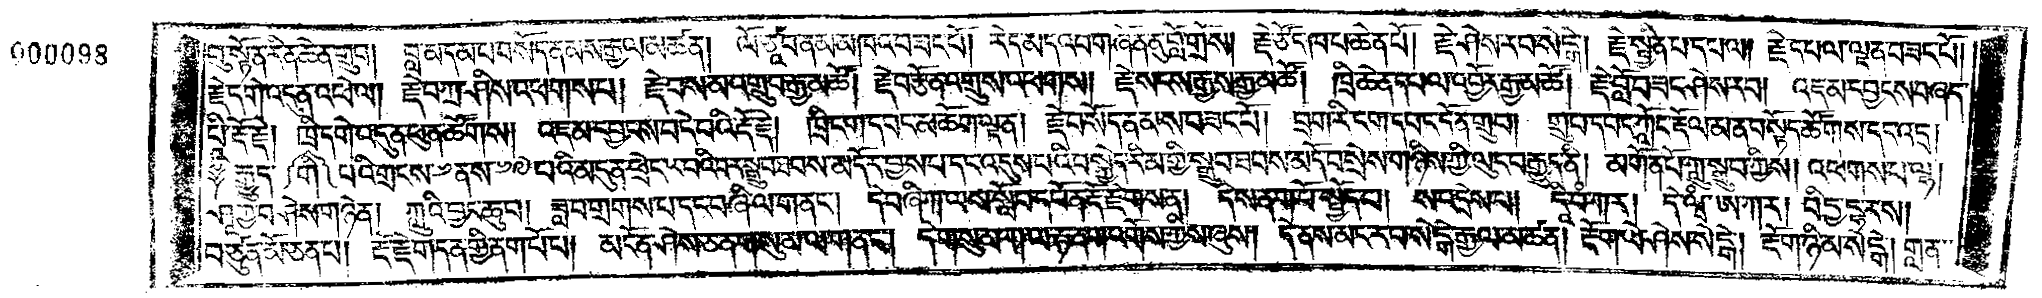བུ་སྟོན་རིན་ཆེན་གྲུབ། བླ་མ་དམ་པ་བསོད་ནམས་རྒྱལ་མཚན། ལོ་ཙཱ་བ་ནམ་མཁའ་བཟང་པོ། རེད་མདའ་བ་གཞོན་ནུ་བློ་གྲོས། རྗེ་ཙོང་ཁ་པ་ཆེན་པོ། རྗེ་ཤེས་རབ་སེངྒེ། རྗེ་སྤྱིན་པ་དཔལ། རྗེ་དཔལ་ལྡན་བཟང་པོ།
རྗེ་དགེ་འདུན་འཕེལ། རྗེ་བཀྲ་ཤིས་འཕགས་པ། རྗེ་བསམ་འགྲུབ་རྒྱ་མཚོ། རྗེ་བརྩོན་འགྲུས་འཕགས། རྗེ་སངས་རྒྱས་རྒྱ་མཚོ། ཁྲི་ཆེན་དཔལ་འབྱོར་རྒྱ་མཚོ། རྗེ་བློ་བཟང་ཤེས་རབ། འཇམ་དབྱངས་བཞད་
པཱི་རྡོ་རྗེ། ཁྲི་དགེ་འདུན་ཕུན་ཚོགས། འཇམ་དབྱངས་བདེ་བའི་རྡོ་རྗེ། ཁྲི་ངག་དབང་མཆོག་ལྡན། རྗེ་བསོད་ནམས་བཟང་པོ། བྲག་རི་ངག་དབང་དོན་གྲུབ། གྲུབ་དབང་ཀློང་རྡོལ་མན་བསྟོད་ཚོགས་དང་འདྲ།
༈ རྒྱུད ༼གི༽ པའི་གྲངས ༦་ནས ༦༩་པའི་མདུན་ཕྲེང ༢་བའི་བར་སྒྲུབ་ཐབས་མདོར་བྱས་པ་དང་འདུས་པའི་བསྐྱེད་རིམ་གྱི་སྒྲུབ་ཐབས་མདོ་བསྲེས་གཉིས་ཀྱི་ལུང་བརྒྱུད་ནི། མགོན་པོ་ཀླུ་སྒྲུབ་ཀྱིས། འཕགས་པ་ལྷ།
ཤཱཀྱ་བཤེས་གཉེན། ཀླུའི་བྱང་ཆུབ། ཟླ་བ་གྲགས་པ་དང་བཞི་ལ་གནང་། དེ་བཞི་ཀ་ལས་སློབ་དཔོན་རྡོ་རྗེ་གསན། དེས་ནག་པོ་སྤྱོད་པ། ས་འདྲེས་པ། དཱི་བཾ་ཀ་ར། དེ་ཝཾ་ཨ་ཀ་ར། བིདྱ་དྷ་རས།
བཙུན་མོ་ཅན་པ། རྡོ་རྗེ་གདན་གྱི་ནག་པོ་པ། མངོན་ཤེས་ཅན་གསུམ་ལ་གནང་། དེ་གསུམ་ཀ་ལ་རྟ་ནག་འགོས་ཀྱིས་ཞུས། དེ་ནས་མང་རབ་སེངྒེ་རྒྱལ་མཚན། རྔོག་ཡེ་ཤེས་སེངྒེ། རྔོག་ཉི་མ་སེངྒེ། གླན་